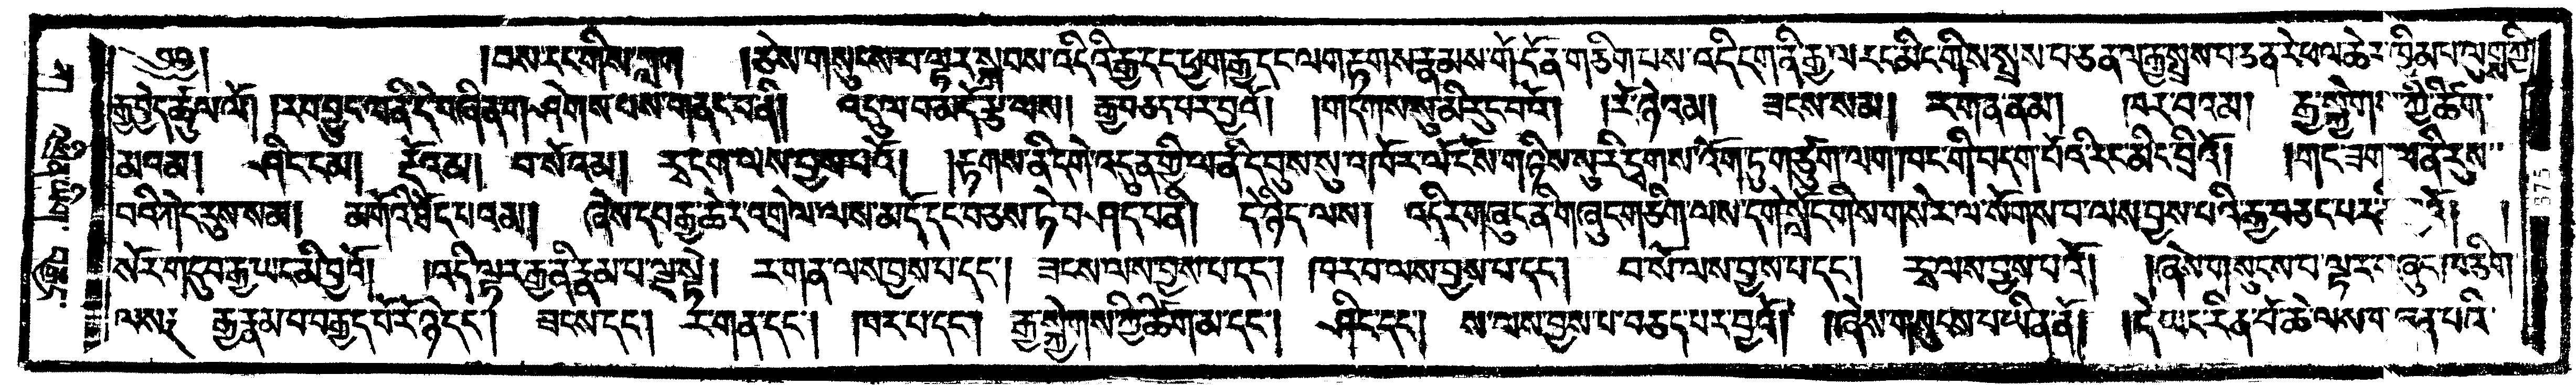༄༅། །བས་རང་གིས་ཀླག །ཅེས་གསུངས་པ་ལྟར་སྐབས་འདིའི་རྒྱ་དང་ཕྱག་རྒྱ་དང་ལག་རྟགས་རྣམས་གོ་དོན་གཅིག་པས་འདི་དག་ནི་རྒྱ་ལ་རང་མིང་གིས་སྤྲས་བཅན་ལ་རྒྱ་སྤྲས་པ་ཅན་རེ་ཕལ་ཆེར་ཁྱིམ་པ་ལུགས་ཀྱི་
རྒྱ་བྱེད་ཚུལ་ལོ། །རབ་བྱུང་ལ་ནི་དེ་བཞིན་གཤེགས་བས་གནང་བ་ནི། འདུལ་བ་མདོ་རྩ་ལས། །རྒྱ་བཅད་པར་བྱའོ། །གདགས་སུ་མི་རུང་པའོ། །རོ་ཉེའམ། ཟངས་སམ། ར་གན་ནམ། ཁར་བའམ། རྒྱ་སྐྱེགས་ཀྱི་ཚིག་
མའམ། ཤིང་དམ། རྡོའམ། བ་སོའམ། རྭ་ངག་ལས་བྱས་པའོ། །རྟགས་ནི་དགེ་འདུན་གྱི་ལ་ནི་དབུས་སུ་འཁོར་ལོ་ངོས་གཉིས་སུ་རི་དྭགས་འོད་ཏུ་གཙུག་ལག་ཁང་གི་བདག་པོའི་རང་མིང་བྲིའོ། །གང་ཟག་ལ་ནི་རུས་
བའི་ཀེང་རུས་སམ། མགོའི་ཐོད་པའམ། ཞེས་དབ་རྒྱ་ཆེར་འགྲེལ་ལས་མདོ་དང་བཅས་ཏེ་བཤད་པ་ནི། དེ་ཉིད་ལས། འདིར་གཞུང་ནི་གཞུང་གཅིག་ལས་དགེ་སློང་གིས་གསེར་ལ་སོགས་པ་ལས་བྱས་པའི་བཅད་པར་བྱའོ?། །
སོར་གདུབ་རྒྱ་ཡར་མི་བྱའོ། །འདི་ལྟར་རྒྱ་ནི་རྣམ་པ་ལྔ་སྟེ། རག་ན་ལས་བྱས་པ་དང་། ཟངས་ལས་བྱས་པ་དང་། ཁར་པ་ལས་བྱས་པ་དང་། བསོ་ལས་བྱས་པ་དང་། རྭ་ལས་བྱས་པའོ། །ཞེས་གསུངས་པ་ལྟ་རང་ཞུང་ཁ་ཅིག་
ལས། རྒྱ་རྣམ་པ་བརྒྱད་པོ་རོ་ཉེ་དང་། ཟངས་དང་། ར་གན་དང་། །བར་པ་དང་། རྒྱ་སྐྱེགས་ཀྱི་ཚིག་མ་དང་། ཤིང་དང་། ས་ལས་བྱས་པ་བཅད་པར་བྱའོ། །ཞེས་གསུངས་པ་ཡིན་ནོ། །དེ་ཡང་རིན་པོ་ཆེ་ལས་བ་ཕན་པའི་